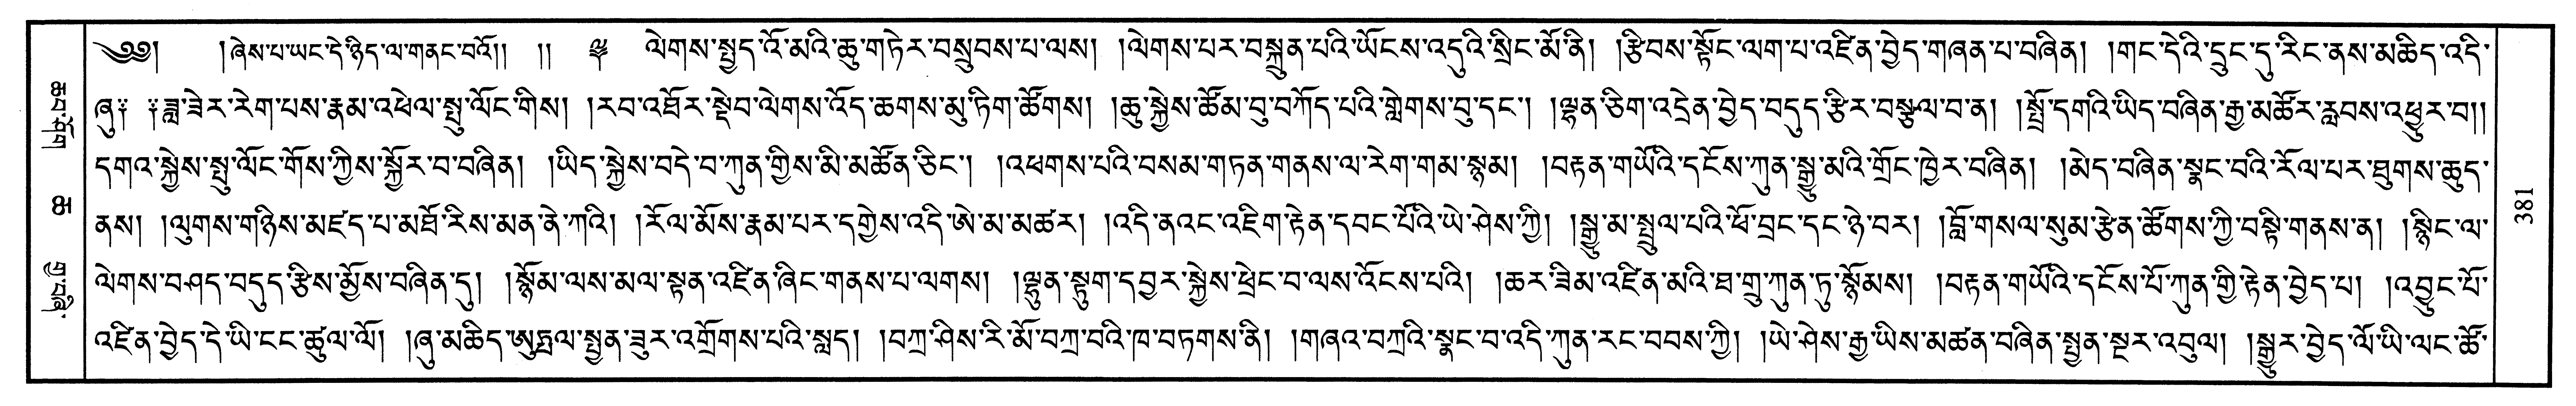༄༅། །ཞེས་པ་ཡང་དེ་ཉིད་ལ་གནང་བའོ།། །། ༈ ལེགས་སྤྱད་འོ་མའི་ཆུ་གཏེར་བསྲུབས་པ་ལས། །ལེགས་པར་བསྐྲུན་པའི་ཡོངས་འདུའི་སྲིང་མོ་ནི། །རྩིབས་སྟོང་ལག་པ་འཛིན་བྱེད་གཞན་པ་བཞིན། །གང་དེའི་དྲུང་དུ་རིང་ནས་མཆིད་འདི་
ཞུ༑ ༑ཟླ་ཟེར་རེག་པས་རྣམ་འཕེལ་སྤུ་ལོང་གིས། །རབ་འཐོར་སྡེབ་ལེགས་འོད་ཆགས་མུ་ཏིག་ཚོགས། །ཆུ་སྐྱེས་ཚོམ་བུ་བཀོད་པའི་གླེགས་བུ་དང་། །ལྷན་ཅིག་འདྲེན་བྱེད་བདུད་རྩིར་བསྩལ་བ་ན། །སྤྲོ་དགའི་ཡིད་བཞིན་རྒྱ་མཚོར་རླབས་འཕྱུར་བ།།
དགའ་སྐྱེས་སྤུ་ལོང་གོས་ཀྱིས་སྐྱོར་བ་བཞིན། །ཡིད་སྐྱེས་བདེ་བ་ཀུན་གྱིས་མི་མཚོན་ཅིང་། །འཕགས་པའི་བསམ་གཏན་གནས་ལ་རེག་གམ་སྙམ། །བརྟན་གཡོའི་དངོས་ཀུན་སྒྱུ་མའི་གྲོང་ཁྱེར་བཞིན། །མེད་བཞིན་སྣང་བའི་རོལ་པར་ཐུགས་ཆུད་
ནས། །ལུགས་གཉིས་མཛད་པ་མཐོ་རིས་མན་ནེ་ཀའི། །རོལ་མོས་རྣམ་པར་དགྱེས་འདི་ཨེ་མ་མཚར། །འདི་ནའང་འཇིག་རྟེན་དབང་པོའི་ཡེ་ཤེས་ཀྱི། །སྒྱུ་མ་སྤྲུལ་པའི་ཕོ་བྲང་དང་ཉེ་བར། །བློ་གསལ་སུམ་རྩེན་ཚོགས་ཀྱི་བསྟི་གནས་ན། །སྙིང་ལ་
ལེགས་བཤད་བདུད་རྩིས་མྱོས་བཞིན་དུ། །སྙོམ་ལས་མལ་སྟན་འཛིན་ཞིང་གནས་པ་ལགས། །ལྷུན་སྟུག་དབྱར་སྐྱེས་ཕྲེང་བ་ལས་འོངས་པའི། །ཆར་ཟིམ་འཛིན་མའི་ཐ་གྲུ་ཀུན་ཏུ་སྙོམས། །བརྟན་གཡོའི་དངོས་པོ་ཀུན་གྱི་རྟེན་བྱེད་པ། །འབྱུང་པོ་
འཛིན་བྱེད་དེ་ཡི་ངང་ཚུལ་ལོ། །ཞུ་མཆིད་ཨུཏྤལ་སྤྱན་ཟུར་འགྲོགས་པའི་སླད། །བཀྲ་ཤིས་རི་མོ་བཀྲ་བའི་ཁ་བཏགས་ནི། །གཞའ་བཀྲའི་སྣང་བ་འདི་ཀུན་རང་བབས་ཀྱི། །ཡེ་ཤེས་རྒྱ་ཡིས་མཚན་བཞིན་སྤྱན་སྔར་འབུལ། །སྒྱུར་བྱེད་ལོ་ཡི་ལང་ཚོ་